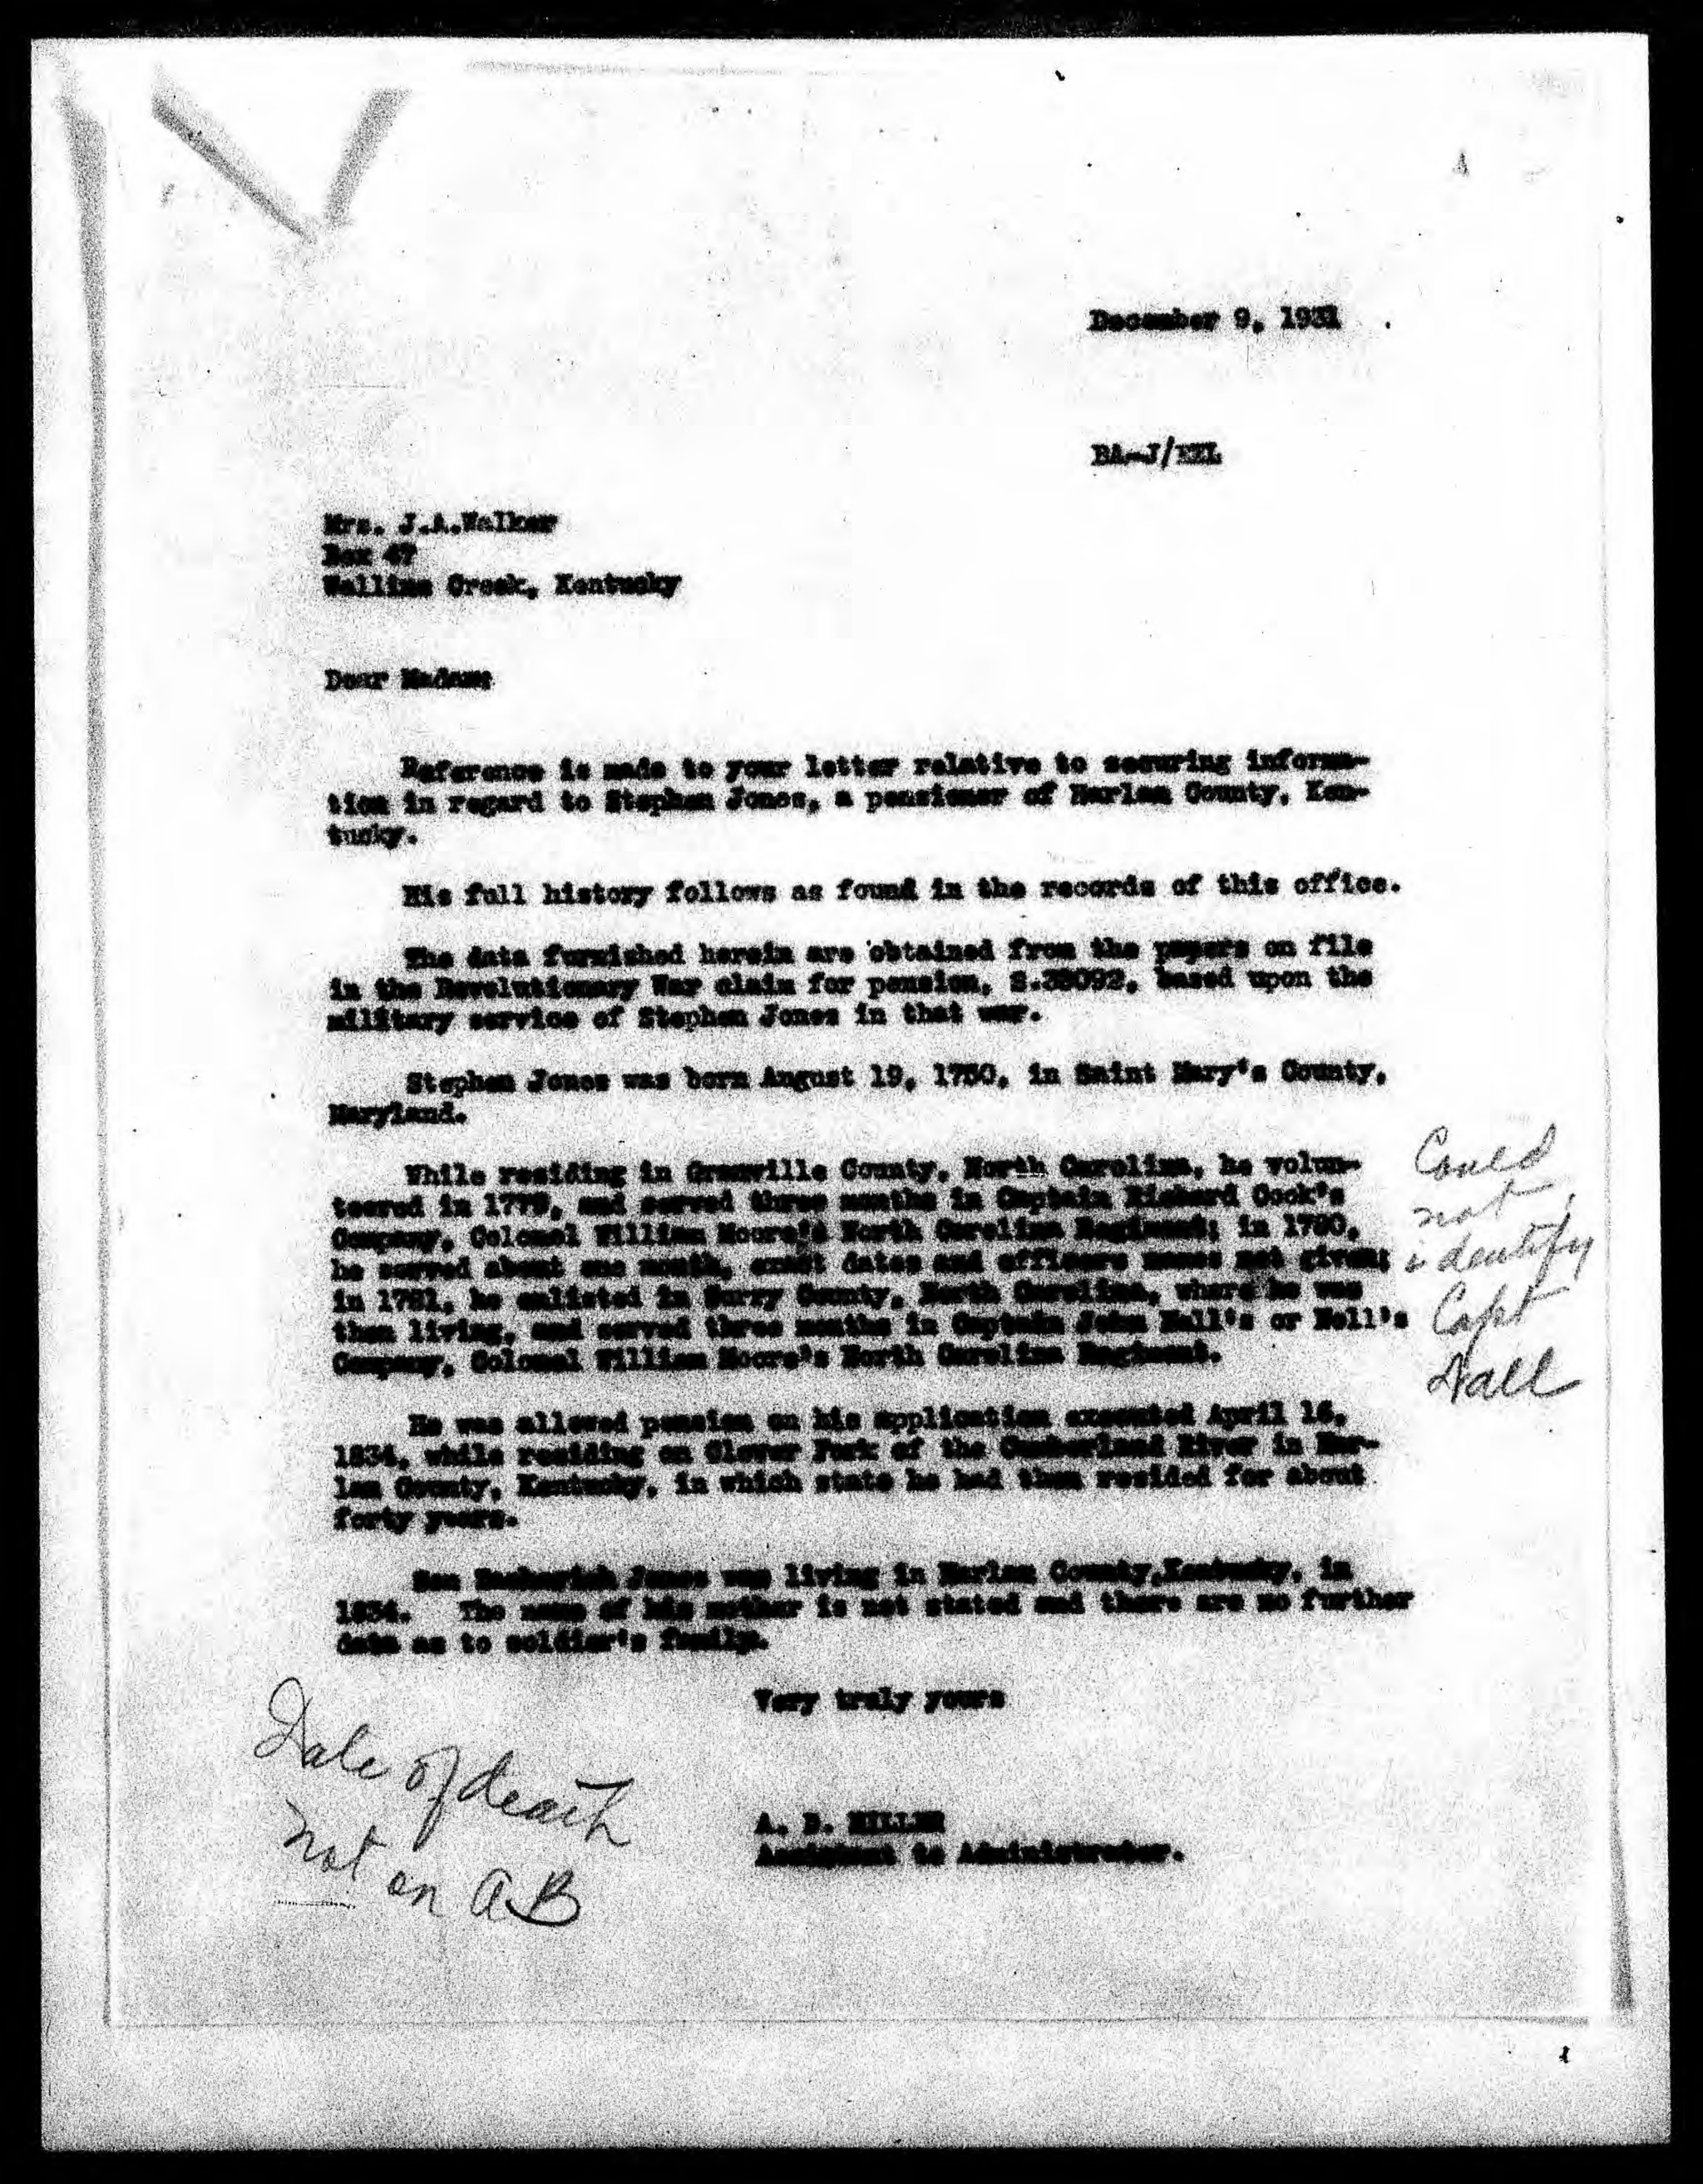December 9, 1931

BA-J/EEL

Mrs. J. A. Walker
Box 47
Wallins Creek, Kentucky

Dear Madam:

Reference is made to your letter relative to securing information 
in regard to Stephen Jones, a pensioner of Harlan County, Kentucky.

His full history follows as found in the records of this office.

The data furnished herein are obtained from the papers on file
in the Revolutionary War claim for pension S. 38092, based upon the 
military service of Stephen Jones in that war.

Stephen Jones was born August 19, 1750, in Saint Mary's County
Maryland.

While residing in Granville County, North Carolina, he volunteered 
in 1779, and served three months in Captain Richard Cook's
Company, Colonel William Moore's North Carolina Regiment; in 1790,
he served about one month, exact dates and officers names not given;
in 1781, he enlisted in Surry County, North Carolina, where he was 
then living, and served three months in Captain John Nall's or Nell's
Company, Colonel William Moore's North Carolina Regiment.
 
He was allowed pension on his application executed April 16, 
1834, while residing on Clover Fork of the Cumberland River in Harlan
County, Kentucky, in which state he had then resided for about
forty years.

Son Zachariah Jones was living in Harlan County, Kentucky, in 
1834.  The name of his mother is not stated and there are no further
data as to soldier's family.

Very truly yours

A. D. HILLER
Assistant to Administrator.


[handwritten note at bottom]
Date of death 
not on AB

Could not identify Capt Nall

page: 9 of 17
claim: survivor's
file: S. 38092, for Stephen Jones, North Carolina